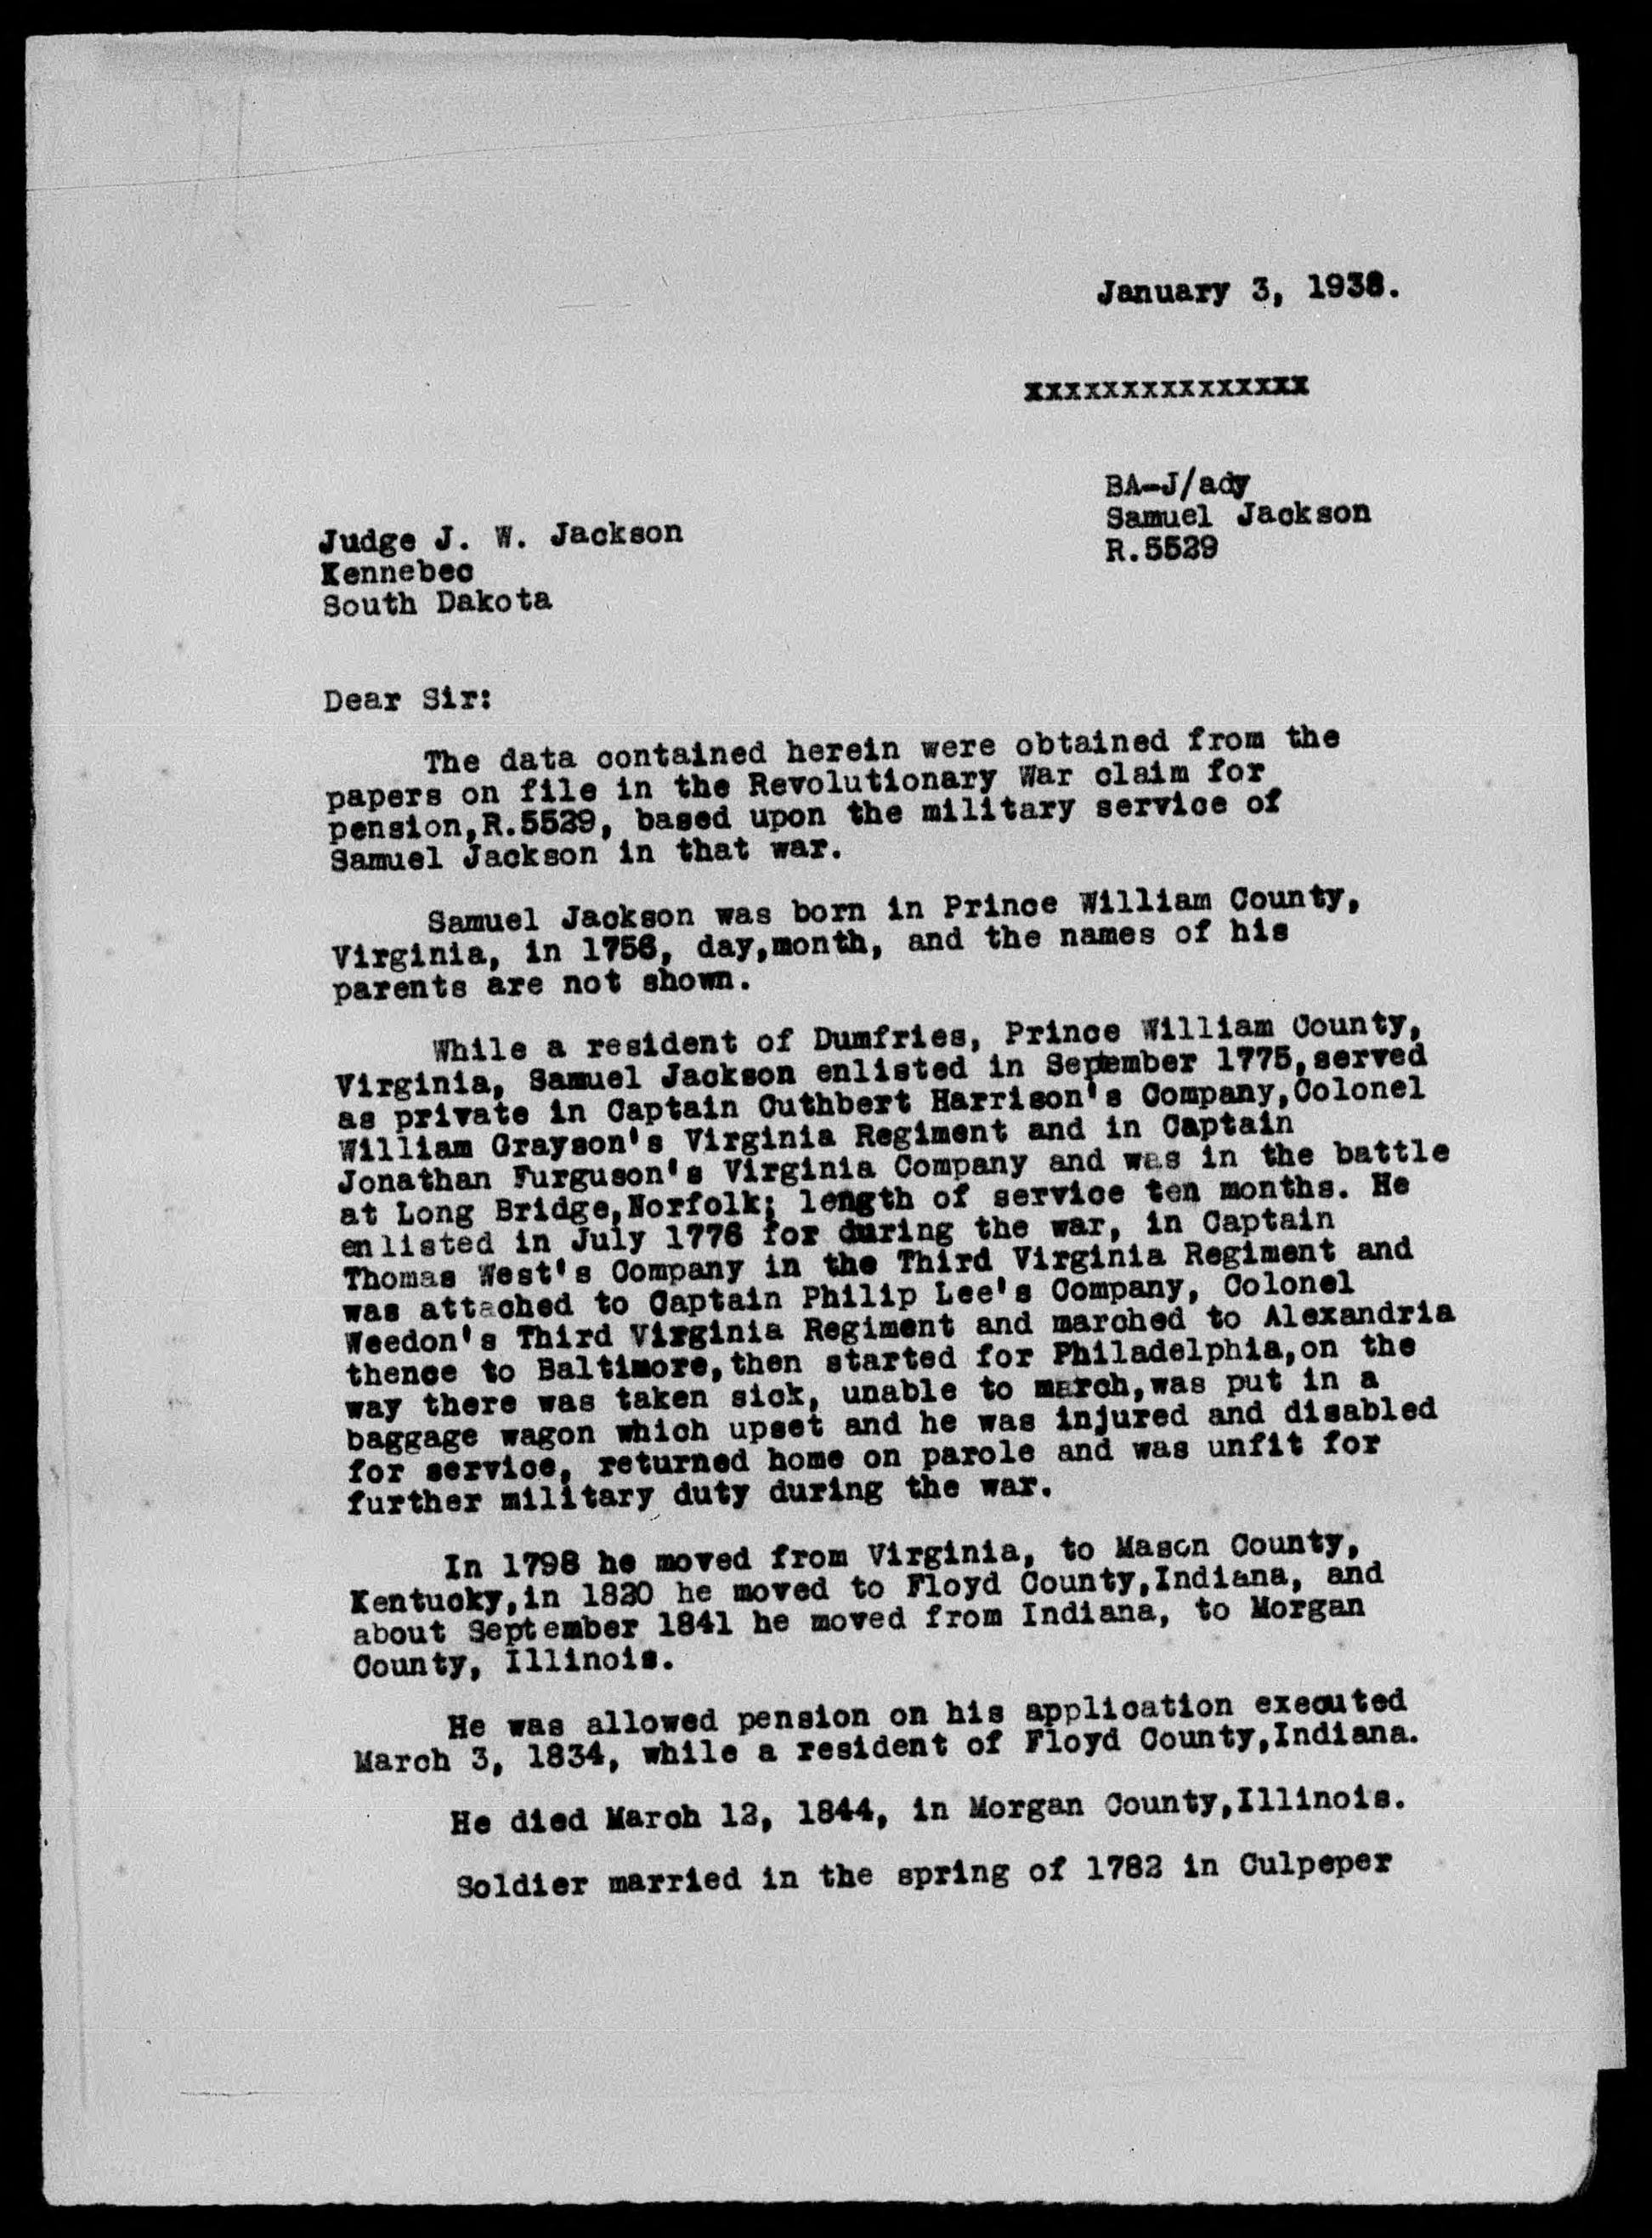January 3, 1938.

XXXXXXXXXXXXXXX

BA-J/ady
Samuel Jackson
R. 5529

Judge J. W. Jackson
Kennebec
South Dakota

Dear Sir:

The data contained herein were obtained from the
papers on file in the Revolutionary War claim for
pension, R. 5529, based upon the military service of
Samuel Jackson in that war.

Samuel Jackson was born in Prince William County,
Virginia, in 1756, day, month, and the names of his
parents are not shown.

While a resident of Dumfries, Prince William County,
Virginia, Samuel Jackson enlisted in September 1775, served
as private in Captain Cuthbert Harrison's Company, Colonel
William Grayson's Virginia Regiment and in Captain
Jonathan Furguson's Virginia Company and was in the battle
at Long Bridge, Norfolk; length of service ten months. He
enlisted in July 1776 for during the war, in Captain
Thomas West's Company in the Third Virginia Regiment and
was attached to Captain Philip Lee's Company, Colonel
Weedon's Third Virginia Regiment and marched to Alexandria
thence to Baltimore, then started for Philadelphia, on the
way there was taken sick, unable to march was put in a
baggage wagon which upset and he was injured and disabled
for service, returned home on parole and was unfit for
further military duty during the war.

In 1798 he moved from Virginia, to Mason County,
Kentucky, in 1820 he moved to Floyd County, Indiana, and
about September 1841 he moved from Indiana, to Morgan
County, Illinois.

He was allowed pension on his application executed
March 3, 1834, while a resident of Floyd County, Indiana.

He died March 12, 1844, in Morgan County, Illinois.

Soldier married in the spring of 1782 in Culpeper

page: 13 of 56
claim: rejected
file: R 5529, for Samuel Jackson, Virginia